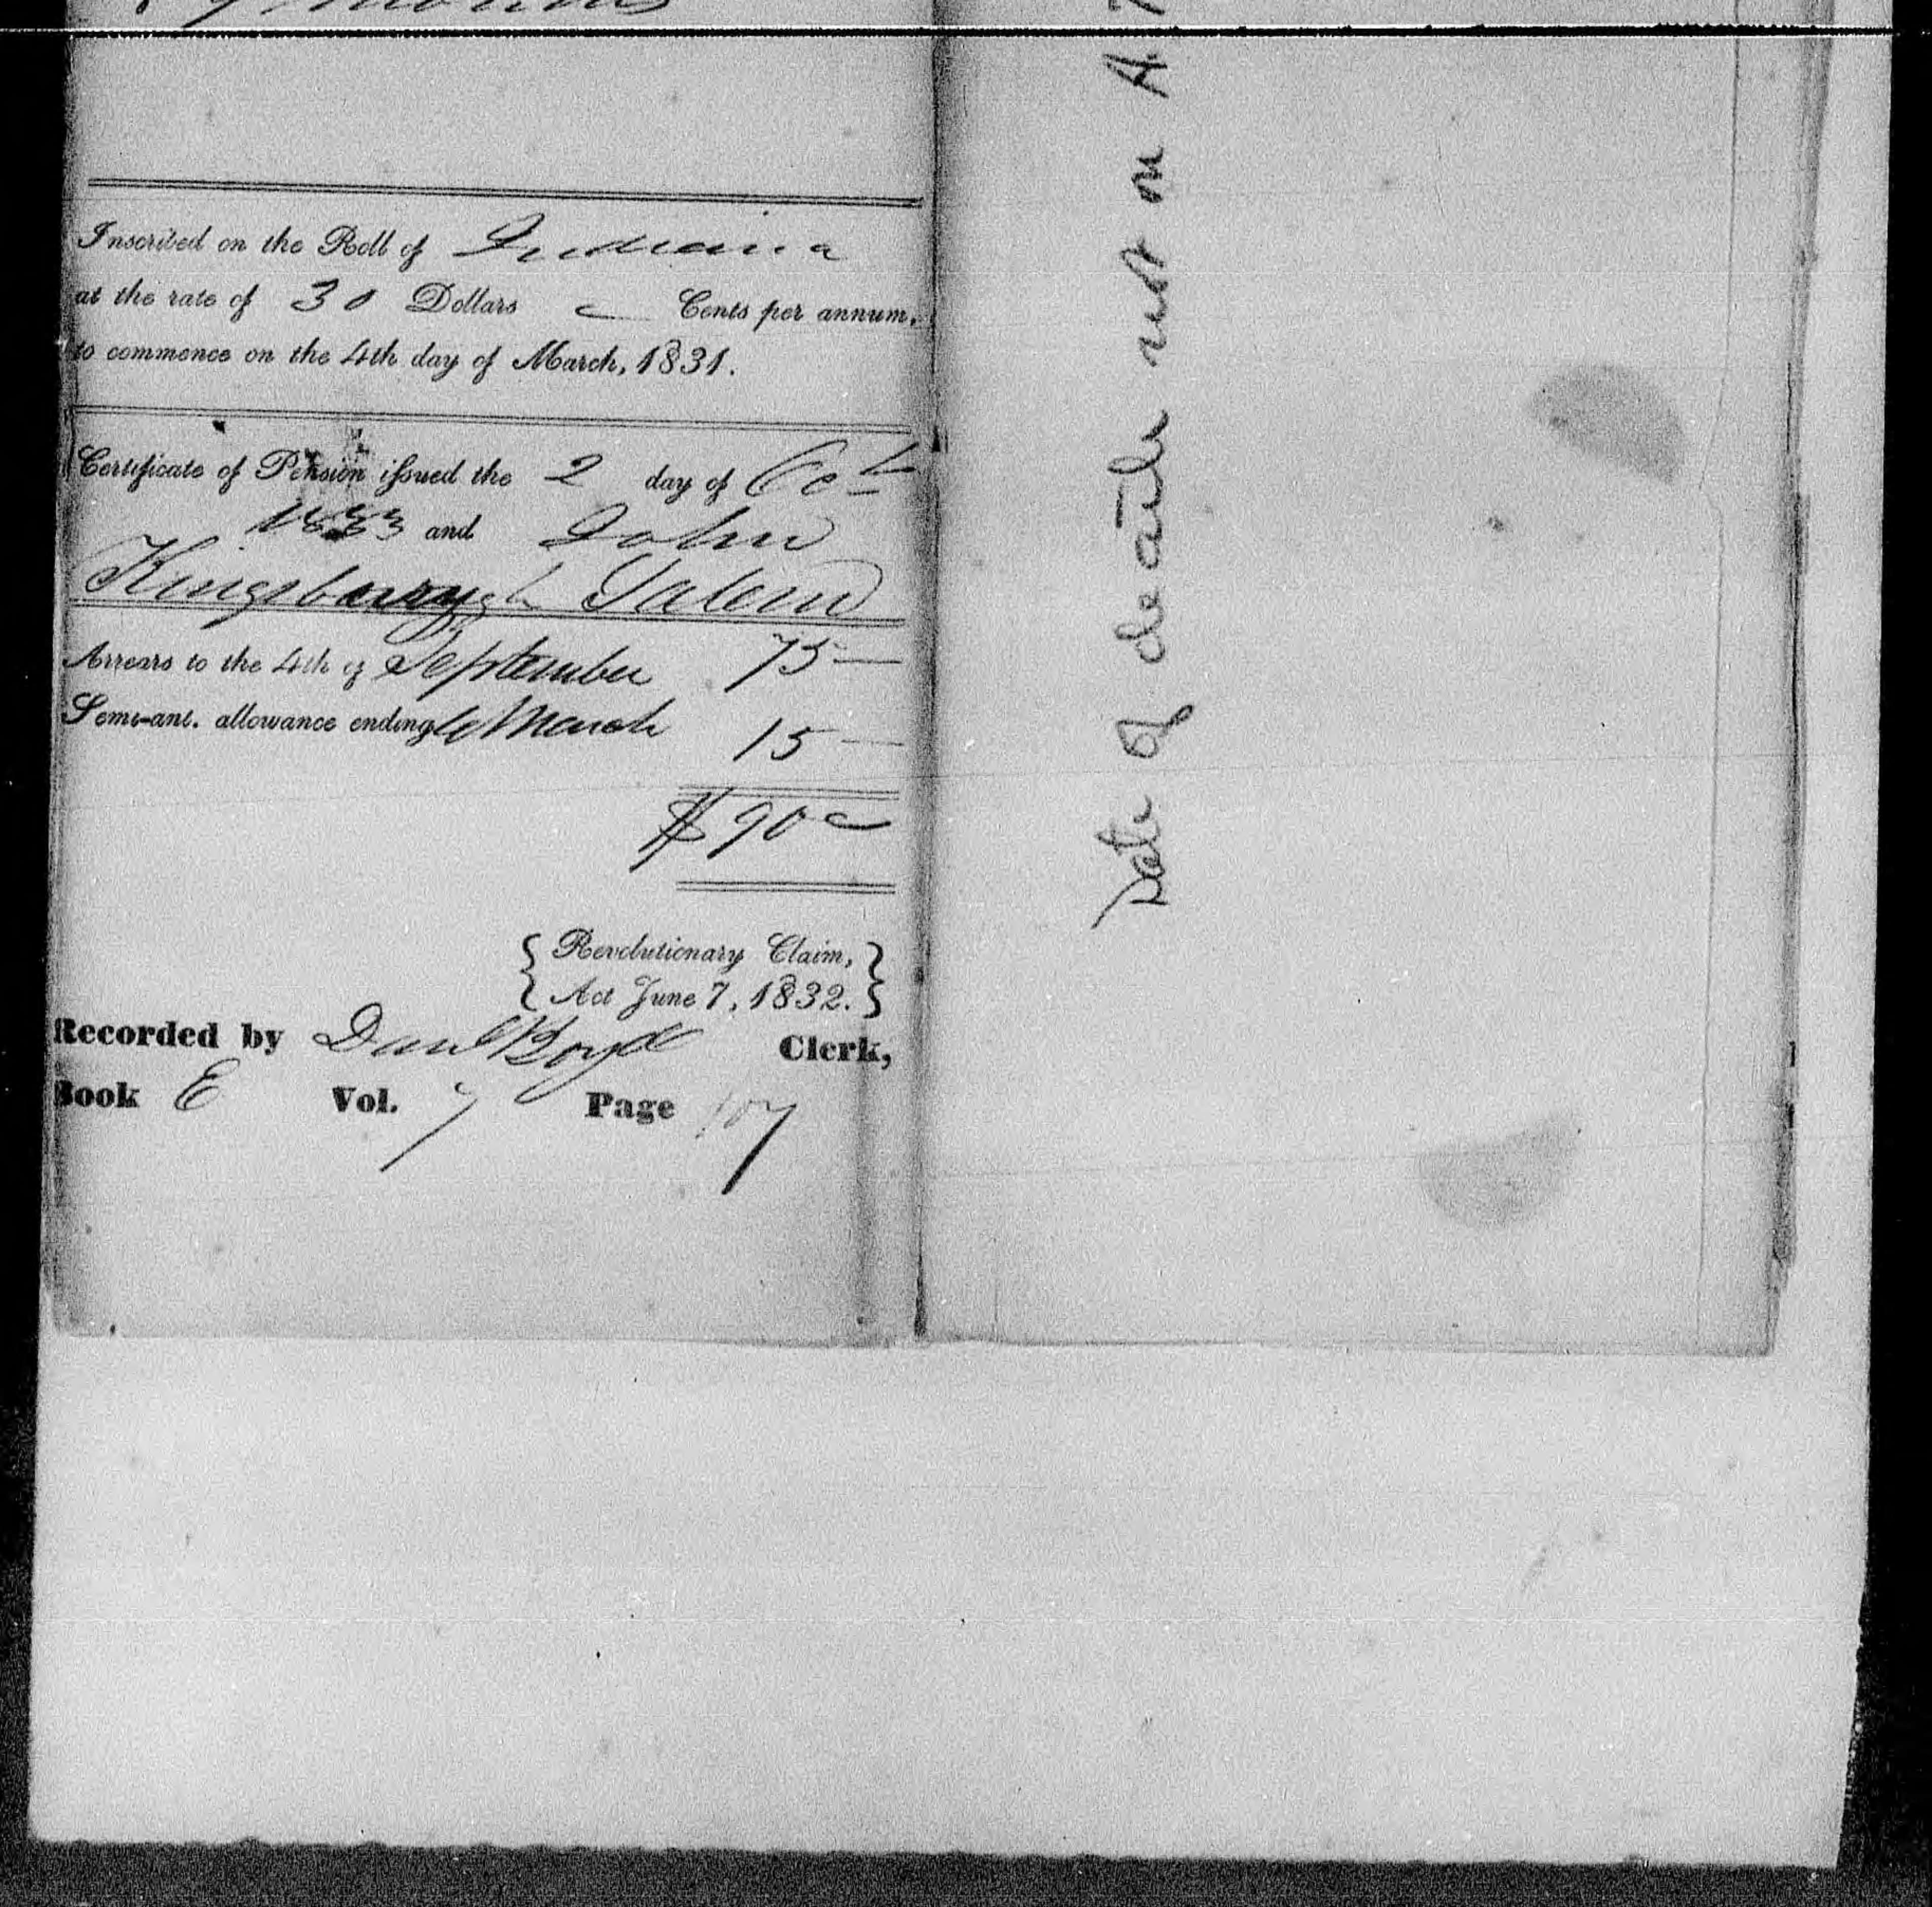Inscribed on the Roll of Indiana
at the rate of 30 Dollars ___ Cents per annum,
to commence on the 4th day of March, 1831.
Certificate of Pension issued the 2 day of Oct
1833 and John Kingsborough Salem
Arrears to the 4th of September $75
Semi-anl. allowance ending 4th March $15
Total $90
Recorded by Dan Boyd Clerk,
Book E Vol. 7  Page 107
Revolutionary Claim,
Act June 7, 1832       ⎬

Date of death not on A [cut off]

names: Danl Boyd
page: 2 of 13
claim: survivor's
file: S. 32,171, Nathaniel Chambers, N.C.